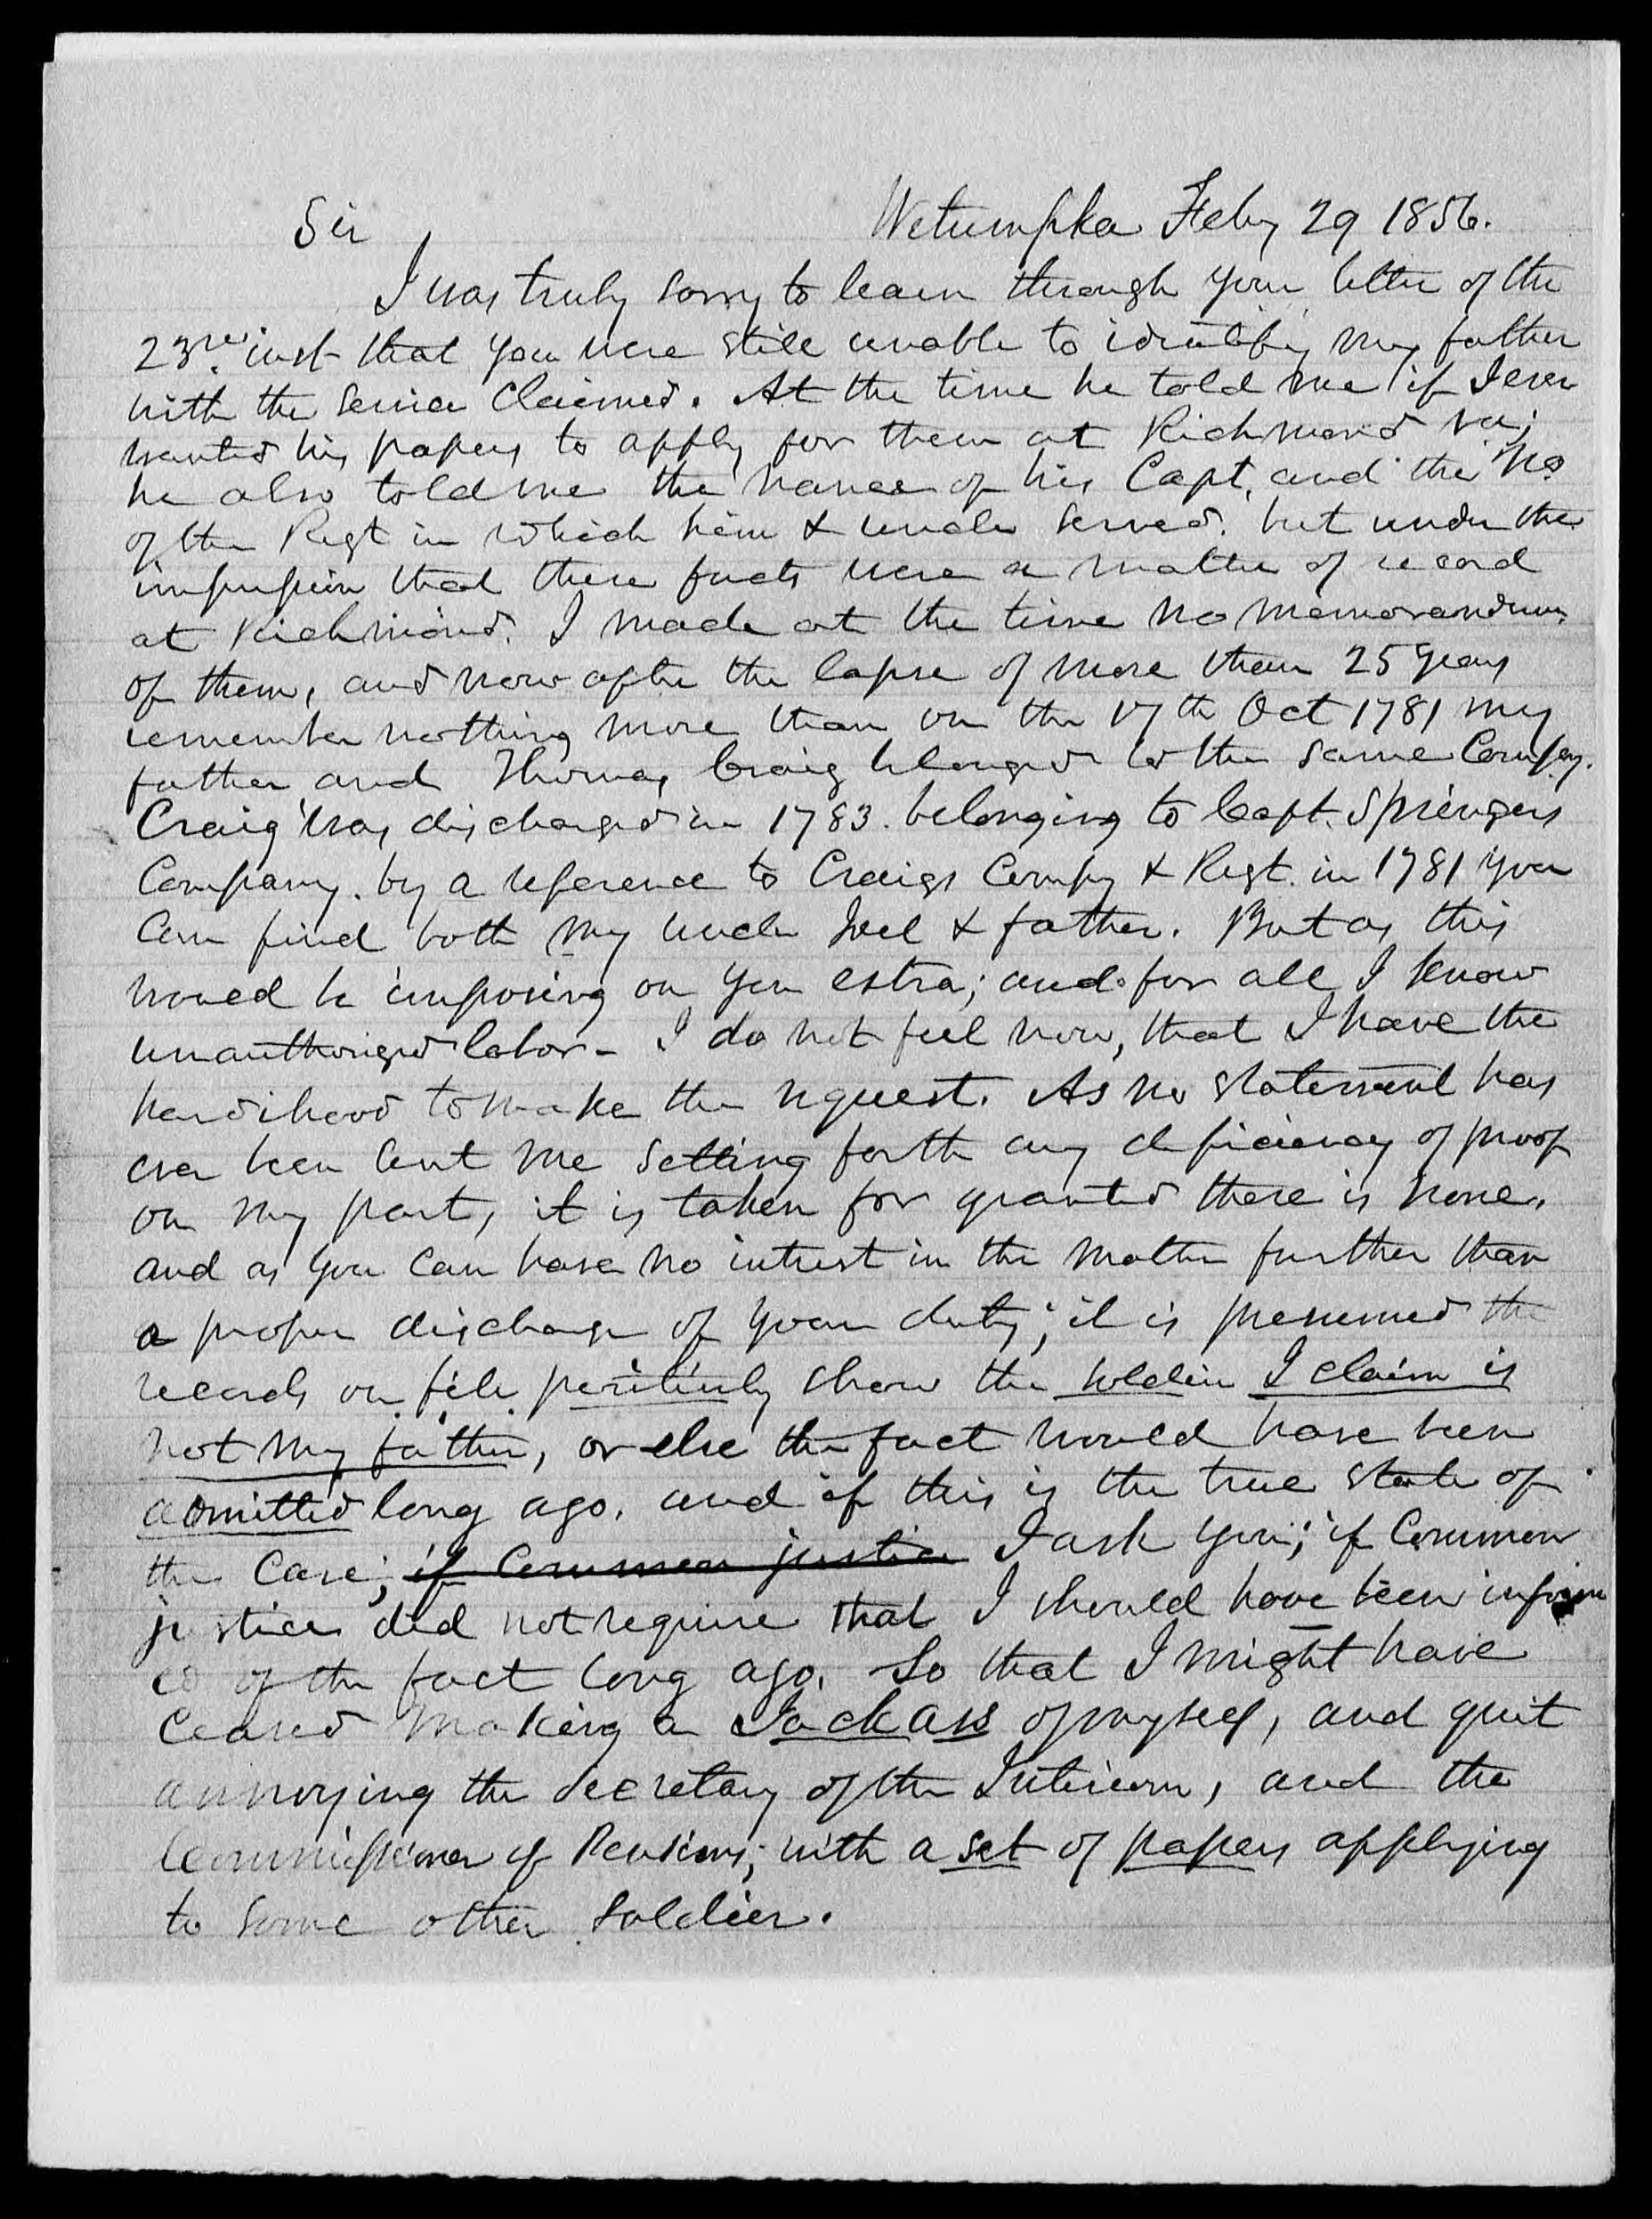Wetumpka Feby 29 1856
Sir
   I was truly sorry to learn through your letter of the 23rd inst. that you were still unable to identify my father with the service claimed.  At the time he told me if I ever wanted his papers to apply for them at Richmond Va, he also told me the names of his Capt, and the no. of the Regt in which him & uncle served, but under the impression that these facts were a matter of record at Richmond, I made at the time no memorandum of them, and now after the lapse of more than 25 years remember nothing more than on the 17th Oct 1781 my father and Thomas Craig belonged to the same Compy. Craig was discharged in 1783, belonging to Capt Springer's Company, by a reference to Craig's Compy & Regt. in 1781 you can find both my uncle Joel & father.  But as this would be imposing on you extra, and for all I know unauthorized labor, I do not feel now, that I have the hardihood to make the request.  As no statement has ever been sent me setting forth any deficiency of proof on my part, it is taken for granted there is none, and as you can have no interest in the matter further than a proper discharge of your duty, it is presumed the records on file positively show the soldier I claim is not my father, or else the fact would have been admitted long ago, and if this is the true state of the Case, [if common justice-marked out] I ask you, if Common justice did not require that I should have been informed of the fact long ago, so that I might have ceased making a Jackass of myself, and quit annoying the Secretary of the Interior, and the Commissioner of Pension, with a set of papers applying to some other soldier.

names: Joel, Thomas Craig, Craig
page: 33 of 160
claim: rejected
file: R. 4666, James Harris, Va.